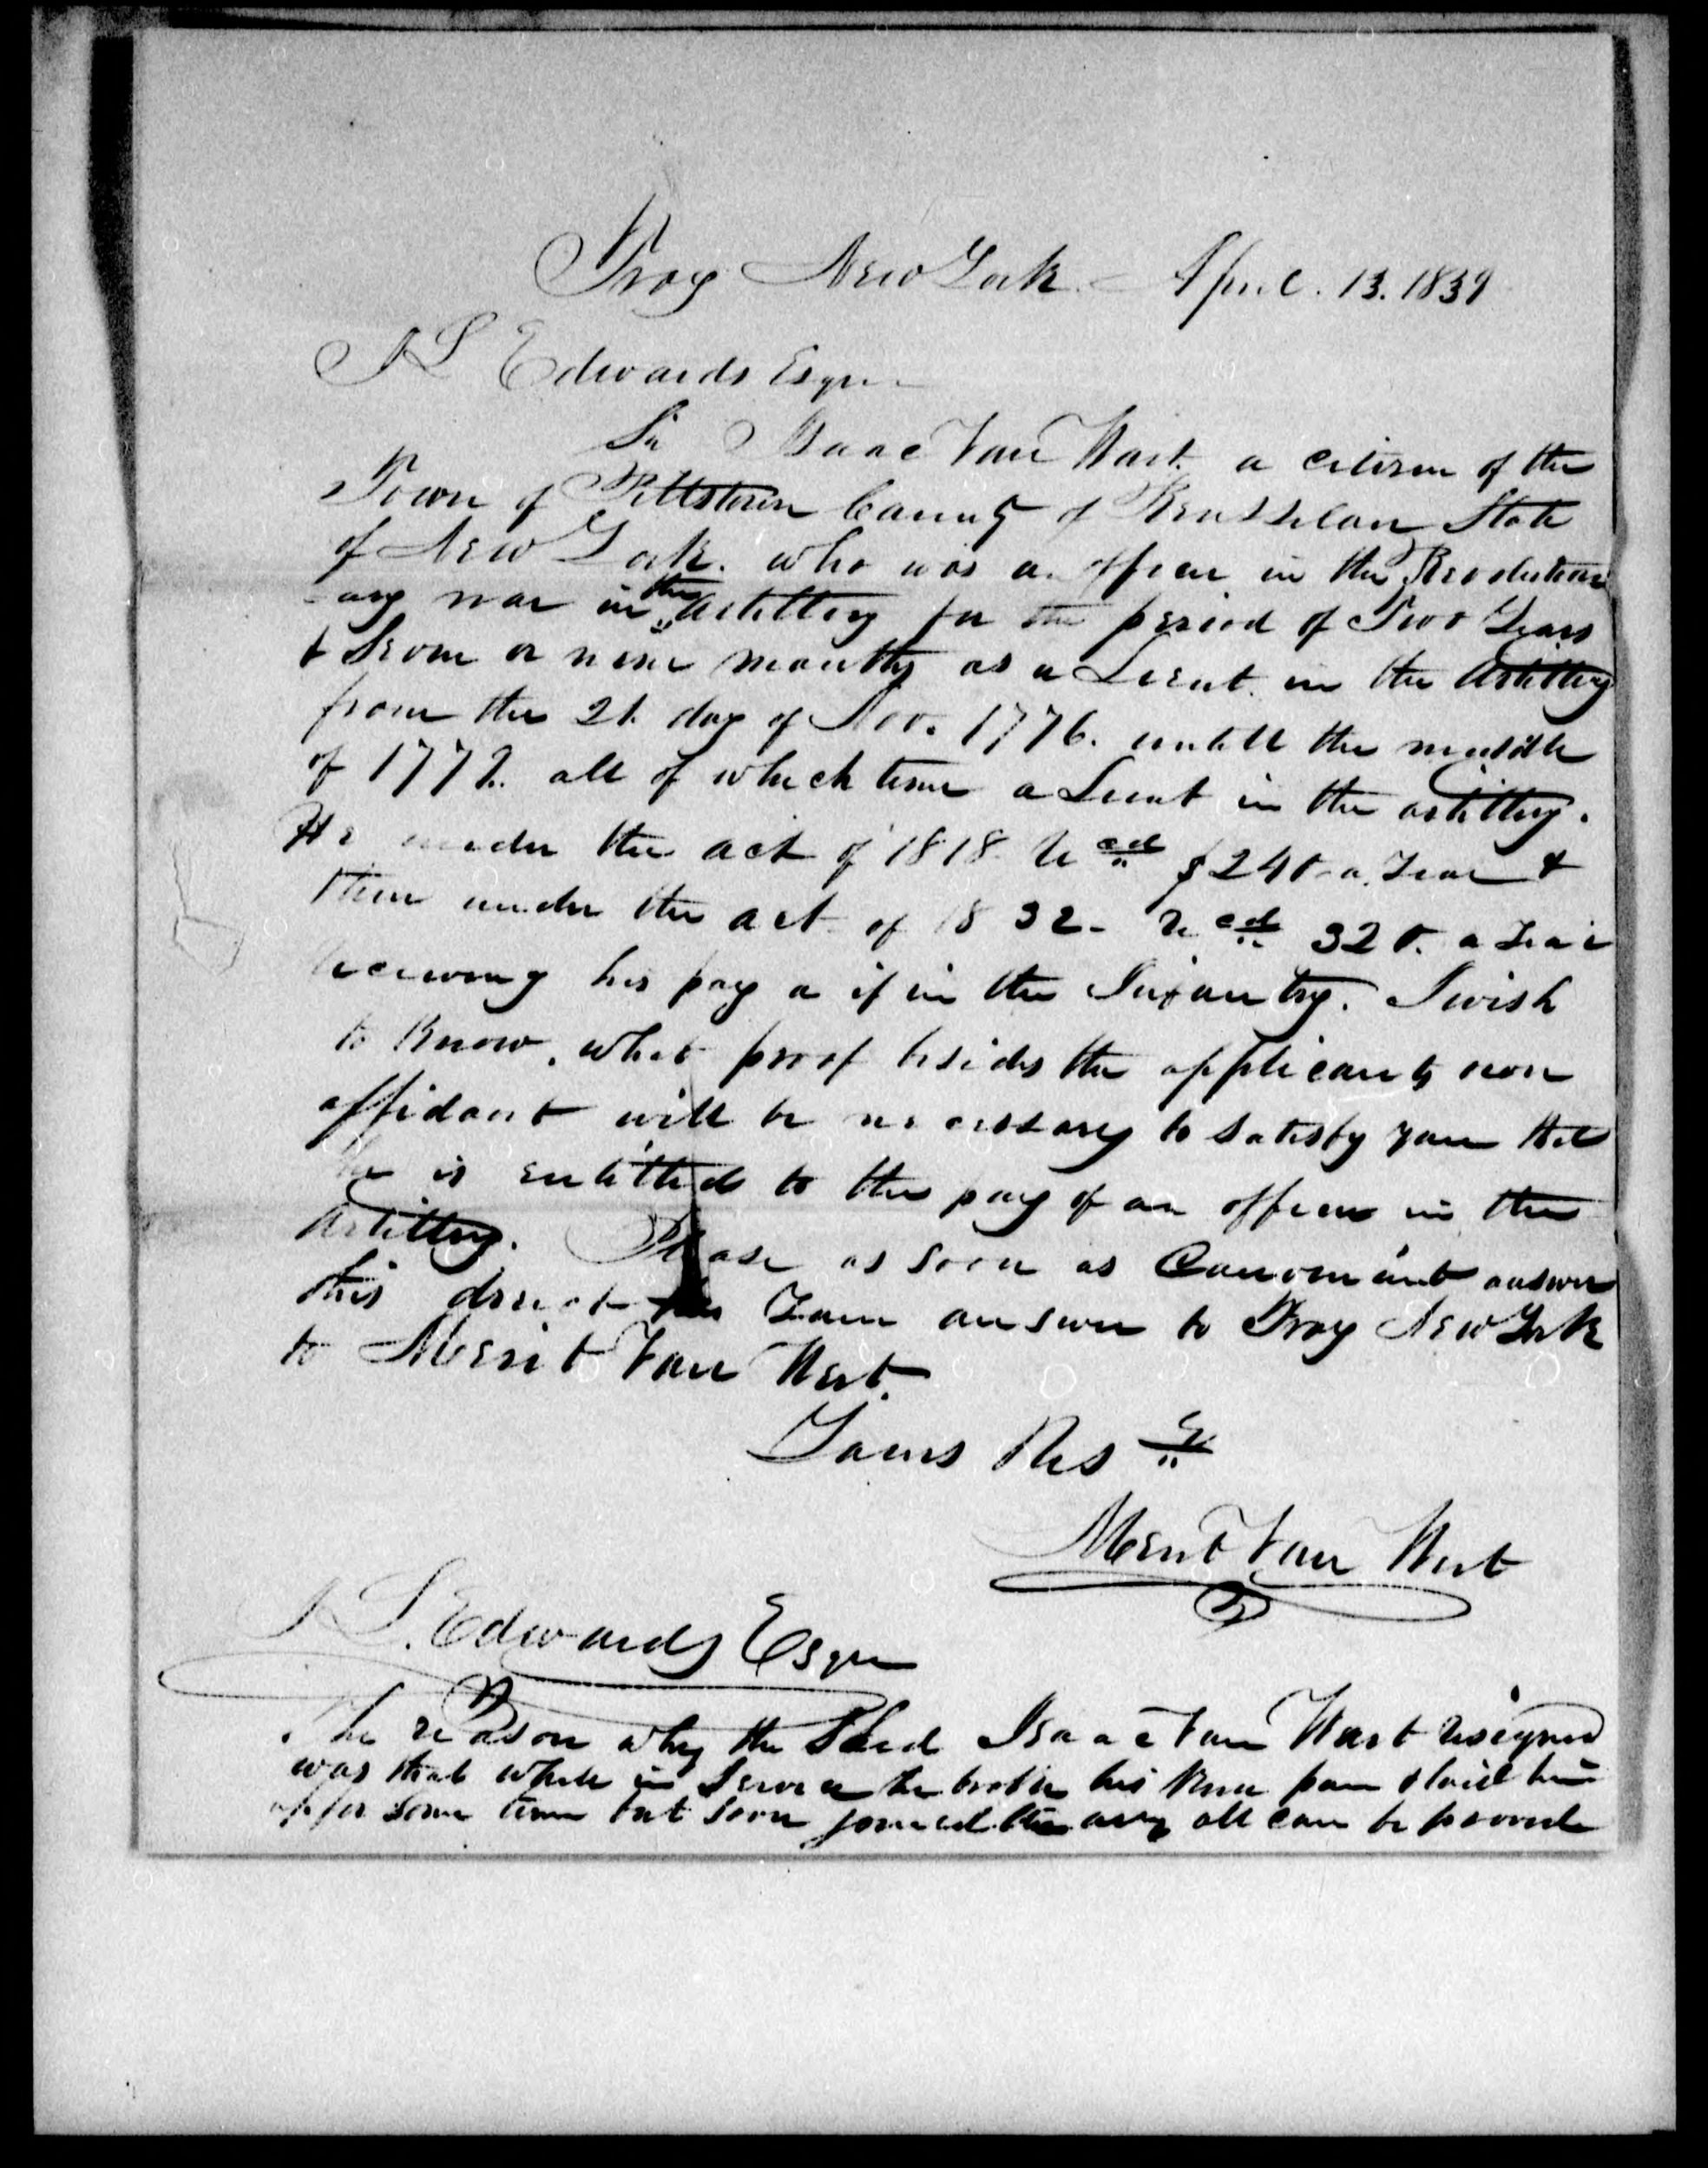Troy New York April 13. 1839 
J L Edwards Esq 
Sir  Isaac Van Wart a citizen of the Town of Pittstown County of Rensselaer State of New York who was an officer in the Revolutionary war in the Artillery for the period of Two years & seven or nine months as a Lieut in the Artillery from the 21 day of Nov. 1776 untill the middle of 1777, all of which time a Lieut in the artillery 
He under the act of 1818 recd $240 a year & then under the act of 1832 recd. 320 a year Receiving his pay as if in the Infantry. I wish to know what proof besides the applicants own affidavit will be necessary to satisfy you that he is entitled to the pay of an officer in the artillery Please as soon as convenient answer this direct for Your answer to Troy New York to Merrit Van Wert.
Yours Resly
[signed] Merrit Van Wert  
J. L. Edwards Esquire
The reason why the said Isaac Van Wart resigned was that while in service he broke his knee [illegible] & laid him up for some time but soon joined the army all can be proved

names: Isaac Van Wart, J L Edwards, Isaac Van Wart, J L Edwards, Ment Van Wert, Ment Van Wert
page: 51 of 102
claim: widow's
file: W. 18239, Isaac Van Wart, New York